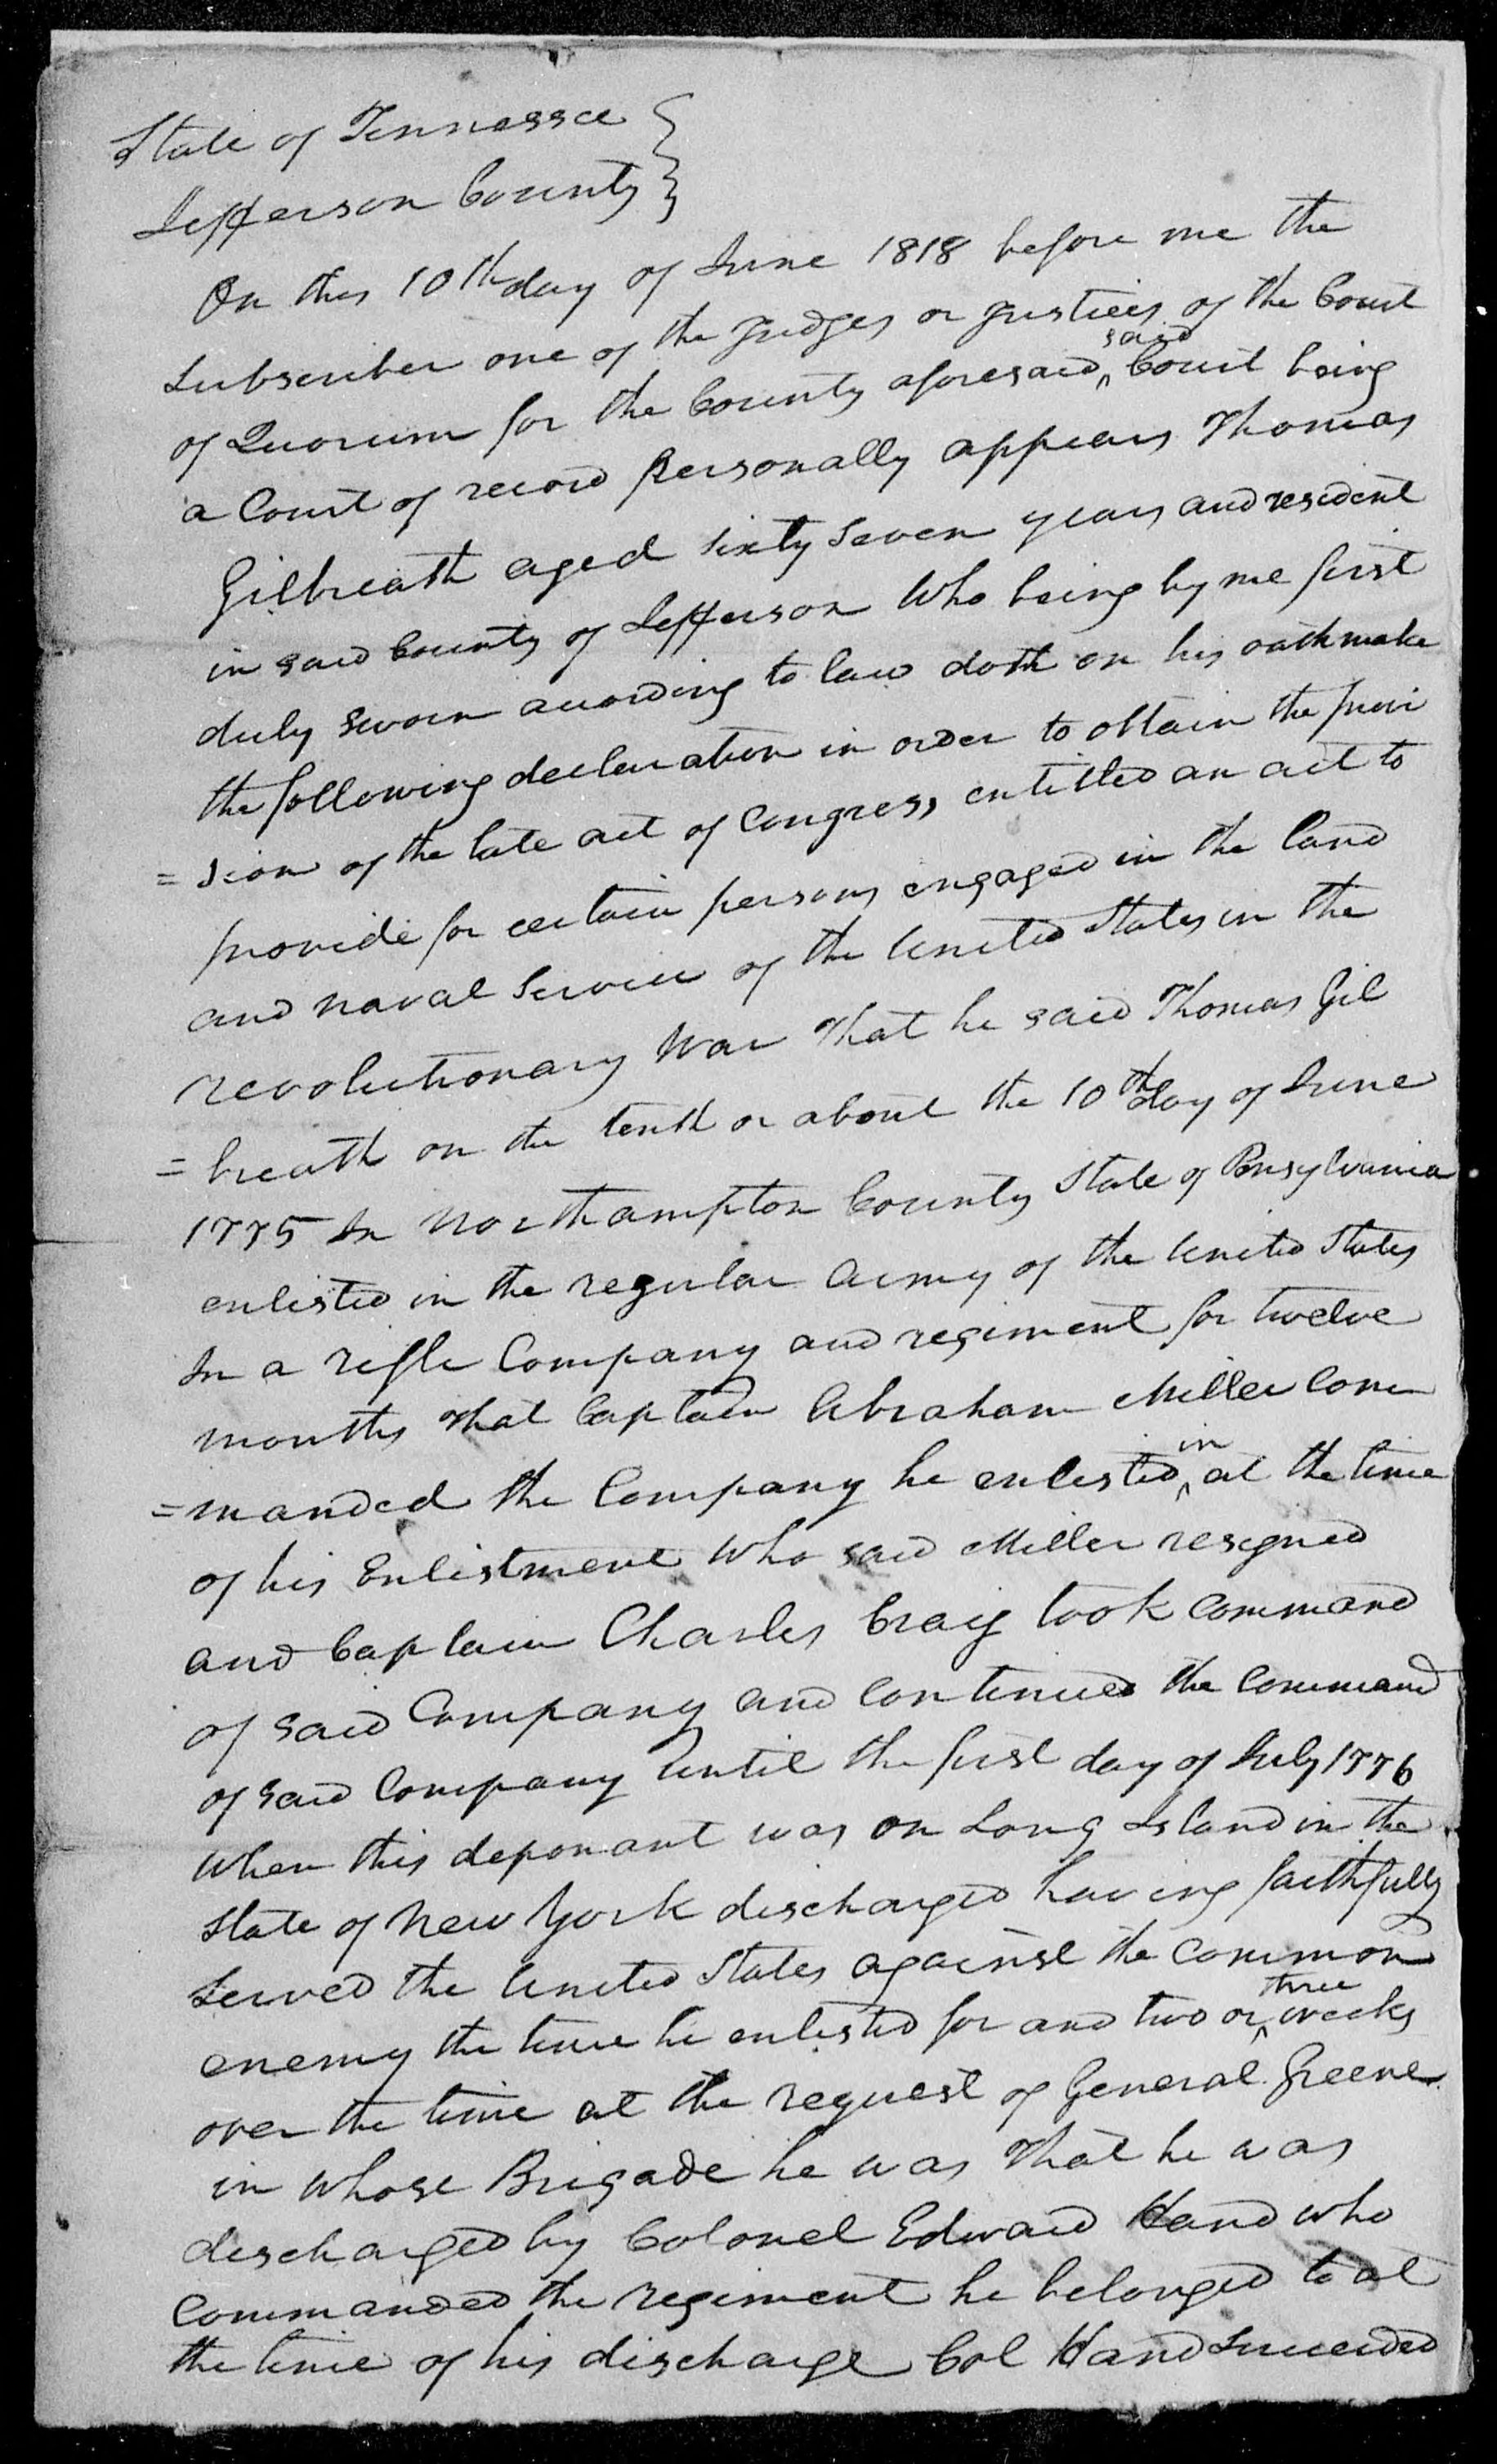State of Tennessee}
Jefferson County}
On this 10th day of June 1818 before me the Subscriber one of the Judges or Justices of the Court of Quorum for the County aforesaid^said Court being a Court of record personally appears Thomas Gilbreath aged sixty seven years and resident in said county of Jefferson who being by me first duly sworn according to law doth on his oath make the following declaration in order to obtain the pension of the late act of Congress entitled an act to provide for certain persons engaged in the land and naval services of the United Staets in the revolutionary War that he saw Thomas Gilbreath on the tenth or about the 10th day of June 1775 in Northampton County State of Pennsylvania enlisted in the regular army of the United States in a rifle Company and regiment for twelve months that Captain Abraham Miller commanded the Company he enlisted ^in at the time of his Enlistment who saw Miller resigned and Captain Charles Gray took command of said Company and continued the command of said company until the first day of July 1776 when this deponant was on Long Island in the State of New York discharged having faithfully Served the United States against the common enemy the time he enlisted for and two or  ^ three weeks over the time at the request of Geneal Greene in whose Brigade he was That he was discharged by Colonel Edward Hand who commanded the regiment he belonged to at the time of his discharge Col Hand succeeded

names: Hand, Abraham Miller, Thomas Gilbreath, Miller, Greene, Edward Hand, Thomas Gilbreath, Charles Craig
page: 3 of 24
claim: survivor's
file: S. 38727, Thomas Gilbreath, Penn.